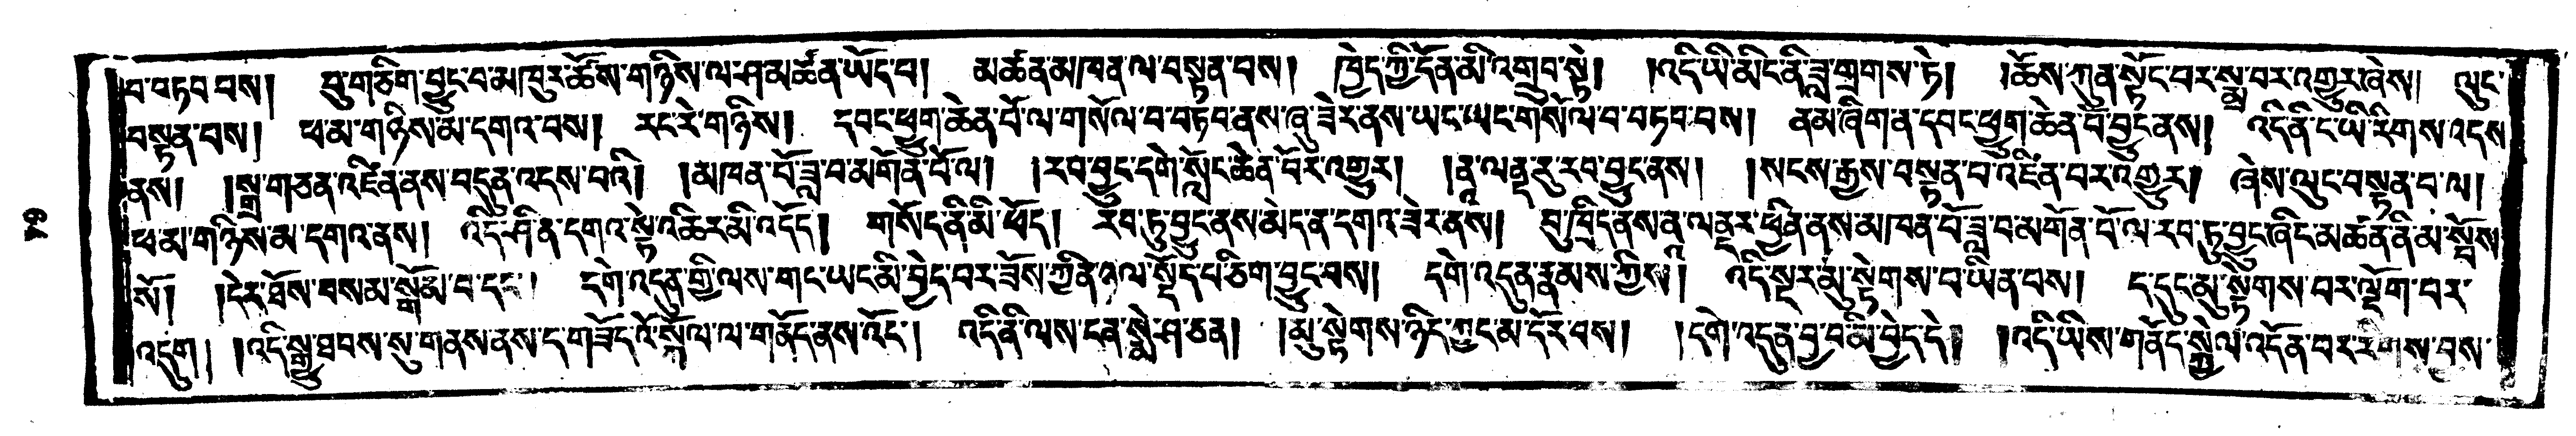བ་བཏབ་པས། བུ་གཅིག་བྱུང་བ་མཁུར་ཚོས་གཉིས་ལ་ཤ་མཚན་ཡོད་པ། མཚན་མཁན་ལ་བསྟན་པས། ཁྱེད་ཀྱི་དོན་མི་འགྲུབ་སྟེ། །འདི་ཡི་མིང་ནི་ཟླ་གྲགས་ཏེ། །ཆོས་ཀུན་སྟོང་པར་སྨྲ་བར་འགྱུར་ཞེས། ལུང་
བསྟན་པས། ཕ་མ་གཉིས་མ་དགའ་བས། རང་རེ་གཉིས། དབང་ཕྱུག་ཆེན་པོ་ལ་གསོལ་བ་བཏབ་ནས་ཞུ་ཟེར་ནས་ཡང་ཡང་གསོལ་བ་བཏབ་པས། ནམ་ཞིག་ན་དབང་ཕྱུག་ཆེན་པོ་བྱུང་ནས། འདི་ནི་ང་ཡི་རིགས་འདས་
ནས། །སྒྲ་གཅན་འཛིན་ནས་བདུན་འདས་པའི། །མཁན་པོ་ཟླ་བ་མགོན་པོ་ལ། །རབ་བྱུང་དགེ་སློང་ཆེན་པོར་འགྱུར། །ནཱ་ལནྡ་རུ་རབ་བྱུང་ནས། །སངས་རྒྱས་བསྟན་པ་འཛིན་པར་འགྱུར། །ཞེས་ལུང་བསྟན་པ་ལ།
ཕ་མ་གཉིས་མ་དགའ་ནས། འདི་ཤི་ན་དགའ་སྟེ་འཆིར་མི་འདོད། །གསོད་ནི་མི་ཕོད། རབ་ཏུ་བྱུང་ནས་མེད་ན་དགའ་ཟེར་ནས། བུ་ཁྲིད་ནས་ནཱ་ལནྡར་ཕྱིན་ནས་མཁན་པོ་ཟླ་བ་མགོན་པོ་ལ་རབ་ཏུ་བྱུང་ཞིང་མཚན་ནི་མ་སྤོས་
སོ། །དེར་ཐོས་བསམ་སྒོམ་པ་དང་། དགེ་འདུན་གྱི་ལས་གང་ཡང་མི་བྱེད་པར་ཟོས་ཀྱིན་ཉལ་སྡོད་པ་ཅིག་བྱུང་བས། དགེ་འདུན་རྣམས་ཀྱིས། །འདི་སྔར་མུ་སྟེགས་པ་ཡིན་པས། ད་དུང་མུ་སྟེགས་པར་ལྡོག་པར་
འདུག། །འདི་སྒྱུ་ཐབས་སུ་གནས་ནས་ད་གཟོད་འོ་སྐོལ་ལ་གནོད་ནས་འོང་། འདི་ནི་ལས་ངན་སྨེ་ཤ་ཅན། །མུ་སྟེགས་ཉིད་ཀྱང་མ་དོར་བས། །དགེ་འདུན་བྱ་བ་མི་བྱེད་དེ། །འདི་ཡིས་གནོད་སྐྱེལ་འདོན་བར་རིགས་བྱས་